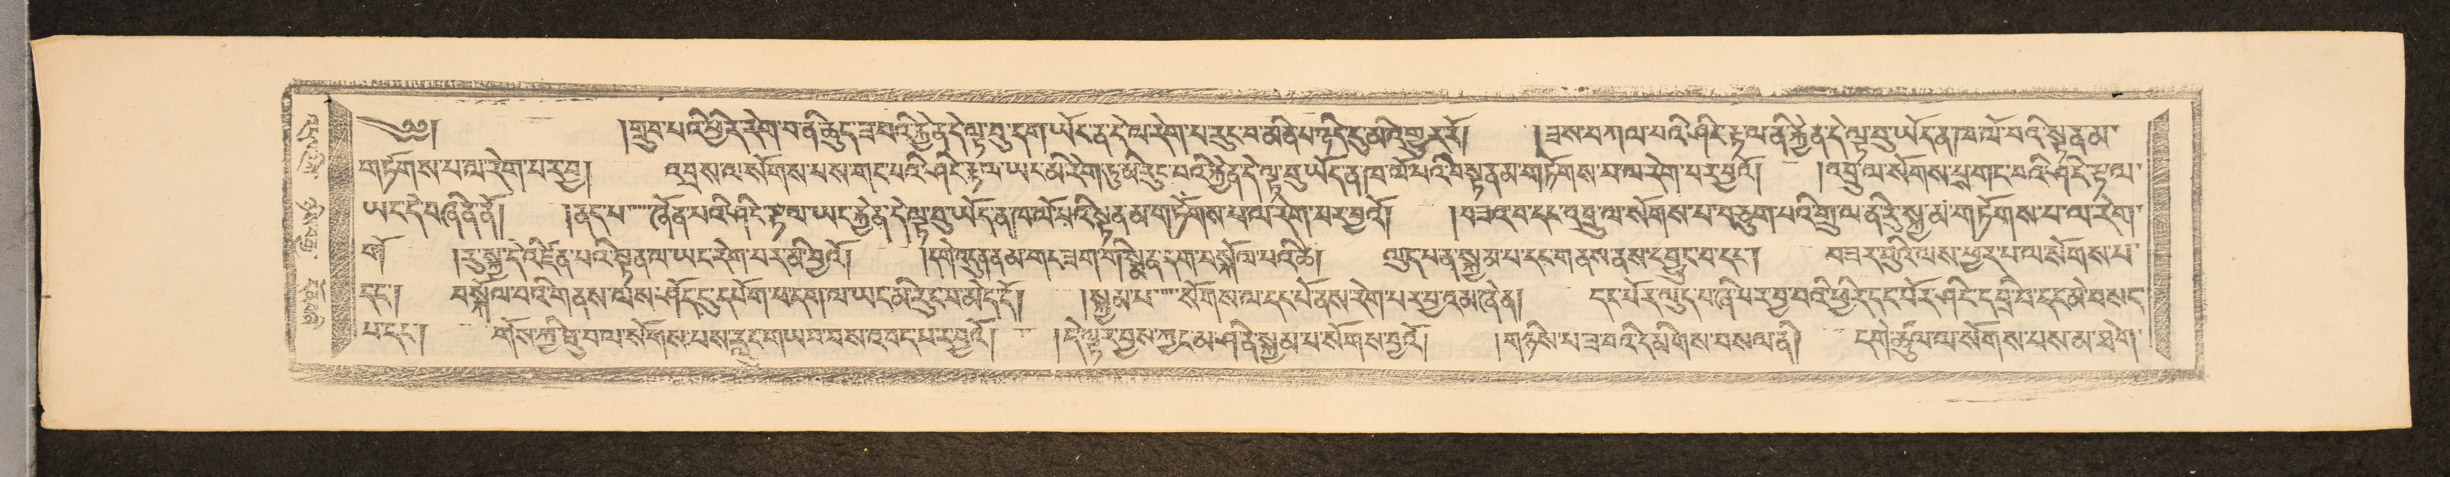༄༅། །གྲུབ་པའི་ཕྱིར་རེག་བ་ནི་ཆུད་ཟ་བའི་རྐྱེན་དེ་ལྟ་བུ་དག་ཡོད་ན་དེ་ལ་རེག་པ་རུང་བ་ཟིན་པ་ཉིད་དུ་མི་འགྱུར་རོ། །ཟས་བཀལ་བའི་ཤིང་རྟ་ལ་ནི་རྐྱེན་དེ་ལྟ་བུ་ཡོད་ན་ཁ་ལོ་པའི་སྟན་མ་
གཏོགས་པ་ལ་རེག་པར་བྱ། འབྲས་ལ་སོགས་པས་གང་བའི་ཤིང་རྟ་ལ་ཡང་མི་རེག་ཏུ་མི་རུང་བའི་རྐྱེན་དེ་ལྟ་བུ་ཡོད་ན་ཁ་ལོ་པའི་བསྟན་མ་གཏོགས་པ་ལ་རེག་པར་བྱའོ། །འབྲུལ་སོགས་པས་གང་བའི་ཤིང་རྟ་ལ་
ཡང་དེ་བཞིན་ནོ། །ནང?་པ་ཞོན་པའི་ཤིང་རྟ་ལ་?་རྐྱེན་དེ་ལྟ་བུ་ཡོད་ན་ཁ་ལོ་པའི་སྟན་མ་གཏོགས་པ་ལ་རེག་པར་བྱའོ། །བཟའ་བ་དང་འབྲུ་ལ་སོགས་པ་བཅུག་པའི་གྲུ་ལ་ནི་རུ?་སྐྱ་མ་གཏོགས་པ་ལ་རེག་
གོ །རུ་སྐྱ་དེ་འཛིན་བའི་སྟན་ལ་ཡང་རེག་བར་མི་བྱའོ། །དགེ་འདུན་ནམ་གང་ཟག་གི་སྨན་དག་བསྐོལ་བའི་ཚེ། ལུས?་པ་ན་སྐྱམ་པ་དང་གནས་ནས་དབྱུང་བ་དང་། བཟར་བུའི་ལས་ཕྱར་བ་ལ་སོགས་པ་
དང་། བསྐོལ་བའི་གནས་ལས་ཤིང་དུ་དཔོག་བ་དག་ལ་ཡང་མི་རུང་བ་མེད་དོ། །སྐྱམ་པ་སོགས་ལ་དང་པོ་ནས་རེག་པར་བྱ་འམ་ཞེ་ན། དང་པོར་ལུད་པ་ཞི་བར་བྱ་བའི་ཕྱིར་དང་པོར་ཤིང་དབྲི་བ་དང་མེ་བསད་
པ་དང་། གོས་ཀྱི་ཐུ་བ་ལ་སོགས་པས་རླུང་གཡབ་པས་འབད་པར་བྱའོ། །དེ་ལྟར་བྱས་ཀྱང་མ་ཤི་ན་སྐྱམ་པ་སོགས་བྱའོ། །གཉིས་པ་ཟ་བའི་དམིགས་བསལ་ནི། དགེ་ཚུལ་ལ་སོགས་པས་མ་ཐེག་